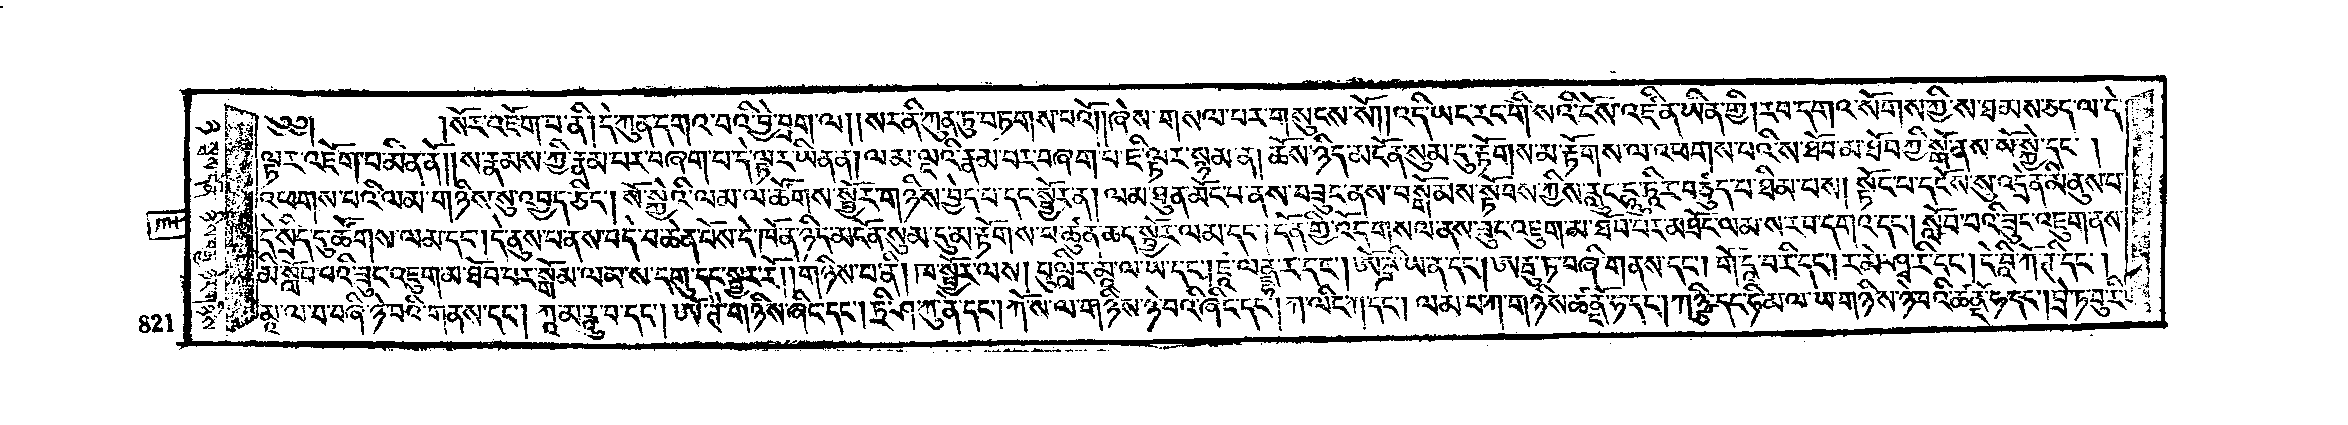༄༅། །སོར་འཇོག་པ་ནི། དེ་ཀུན་དགའ་བའི་བྱེ་བྲག་ལ། །སར་ནི་ཀུན་ཏུ་བཏགས་པའོ། །ཞེས་གསལ་བར་གསུངས་སོ། །འདི་ཡང་རང་གི་སའི་ངོས་འཛིན་ཡིན་གྱི། རབ་དགའ་སོགས་ཀྱི་ས་ཐམས་ཅད་ལ་དེ་
ལྟར་འཇོག་པ་མིན་ནོ། །ས་རྣམས་ཀྱི་རྣམ་པར་བཞག་པ་དེ་ལྟར་ཡིན་ན། ལམ་ལྔའི་རྣམ་པར་བཞག་པ་ཇི་ལྟར་སྙམ་ན། ཆོས་ཉིད་མངོན་སུམ་དུ་རྟོགས་མ་རྟོགས་ལ་འཕགས་པའི་ས་ཐོབ་མ་ཐོབ་ཀྱི་སྒོ་ནས་སོ་སྐྱེ་དང་།
འཕགས་པའི་ལམ་གཉིས་སུ་འབྱད་ཅིང་། སོ་སྐྱེའི་ལམ་ལ་ཚོགས་སྦྱོར་གཉིས་བྱེད་པ་དང་སྦྱོར་ན། ལམ་ཐུན་མོང་པ་ནས་བཟུང་ནས་བསྒོམས་སྟོབས་ཀྱིས་རླུང་དྷཱུ་ཏཱིར་བཅུད་པ་ཐིམ་པས། སྟོང་པ་དངོས་སུ་འདྲེན་མི་ནུས་པ་
དེ་སྲིད་དུ་ཚོགས་ལམ་དང་། དེ་ནུས་པ་ནས་བདེ་བ་ཆེན་པོས་དེ་ཁོ་ན་ཉིད་མངོན་སུམ་དུ་མ་རྟོགས་པ་ཚུན་ཆད་སྦྱོར་ལམ་དང་། དོན་གྱི་འོད་གསལ་ནས་ཟུང་འཇུག་མ་ཐོབ་པར་མཐོང་ལམ་ས་རབ་དགའ་དང་། སློབ་པའི་ཟུང་འཇུག་ནས་
མི་སློབ་པའི་ཟུང་འཇུག་མ་ཐོབ་པར་སྒོམ་ལམ་ས་དགུ་དང་སྦྱར་རོ། །གཉིས་པ་ནི། ཁ་སྦྱོར་ལས། པུ་ལཱིར་མཱ་ལ་ཡ་དང་། ཛཱ་ལནྡྷ་ར་དང་། ཨོ་ཌྜི་ཡ་ན་དང་། ཨརྦུ་ཏ་བཞི་གནས་དང་། གོ་དཱ་བ་རི་དང་། ར་མེ་ཤྭ་རི་དང་། དེ་བཱི་ཀོ་ཊི་དང་།
མཱ་ལ་བ་བཞི་ཉེ་བའི་གནས་དང་། ཀཱ་མ་རཱུ་བ་དང་། ཨོ་ཊཻ་གཉིས་ཞིང་དང་། ཏྲི་ཤ་ཀུ་ནེ་དང་། ཀོ་ས་ལ་གཉིས་ཉེ་བའི་ཞིང་དང་། ཀ་ལིང་ཀ་དང་། ལམ་པ་ཀ་གཉིས་ཚནྡོ་ཧ་དང་། ཀཉྩི་དང་ཧི་མ་ལ་ཡ་གཉིས་ཉེ་བའི་ཚནྡོ་ཧ་དང་། པྲེ་ཏ་བུ་རི་